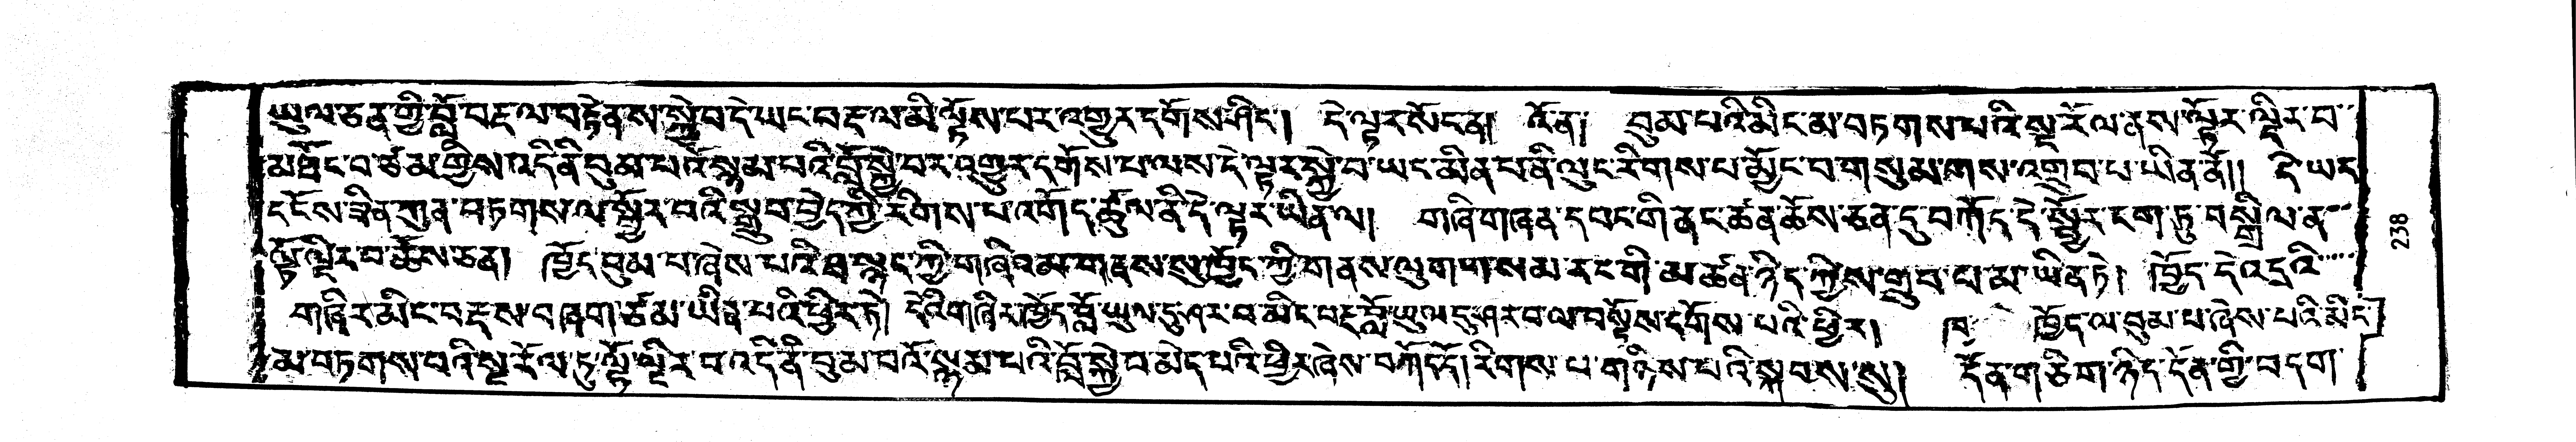ཡུལ་ཅན་གྱི་བློ་བརྡ་ལ་བརྟེན་ས་སྐྱེ་བ་དེ་ཡང་བརྡ་ལ་མི་ལྟོས་པར་འགྱུར་དགོས་ཤིང་། དེ་ལྟར་སོང་ན། འོ་ན༑ བུམ་པའི་མིང་མ་བཏགས་པའི་སྔ་རོལ་ནས་ལྟོར་ལྡིར་བ་
མཐོང་བ་ཙམ་གྱིས་འདི་ནི་བུམ་པའོ་སྙམ་པའི་བློ་སྐྱེ་བར་འགྱུར་དགོས་པ་ལས་དེ་ལྟར་སྐྱེ་བ་ཡང་མིན་པ་ནི་ལུང་རིགས་པ་མྱོང་བ་གསུམ་གས་འགྲུབ་པ་ཡིན་ནོ།། དེ་ཡང་
དངོས་ཟིན་ཀུན་བཏགས་ལ་སྦྱོར་བའི་སྒྲུབ་བྱེད་ཀྱི་རིགས་པ་འགོད་ཚུལ་ནི་དེ་ལྟར་ཡིན་ལ། གཞི་གཞན་དབང་གི་ནང་ཚན་ཆོས་ཅན་དུ་བཀོད་དེ་སྦྱོར་ངག་ཏུ་བསྒྲིལ་ན་
ལྟོ་ལྡིར་བ་ཆོས་ཅན། ཁྱོད་བུམ་པ་ཞེས་པའི་ཐ་སྙད་ཀྱི་གཞིའམ་གནས་སུ་ཁྱོད་ཀྱི་གནས་ལུགས་སམ་རང་གི་མཚན་ཉིད་ཀྱིས་གྲུབ་པ་མ་ཡིན་ཏེ། ཁྱོད་དེ་འདྲའི་
གཞིར་མིང་བརྡས་བཞག་ཙམ་ཡིན་པའི་ཕྱིར་ཏེ། དེའི་གཞིར་ཁྱོད་བློ་ཡུལ་དུ་ཤར་བ་མིང་བརྡ་བློ་ཡུལ་དུ་ཤར་བ་ལ་བསྟོས་དགོས་པའི་ཕྱིར། ཁ་?་ཁྱོད་ལ་བུམ་པ་ཞེས་པའི་མིང་
མ་བཏགས་པའི་སྔ་རོལ་ཏུ་ལྟོ་ལྡིར་བ་འདི་ནི་བུམ་པའོ་སྙམ་པའི་བློ་སྐྱེ་བ་མེད་པའི་ཕྱིར་ཞེས་བཀོད་དོ། རིགས་པ་གཉིས་པའི་སྐབས་སུ། དོན་གཅིག་ཉིད་དོན་གྱི་བདག་